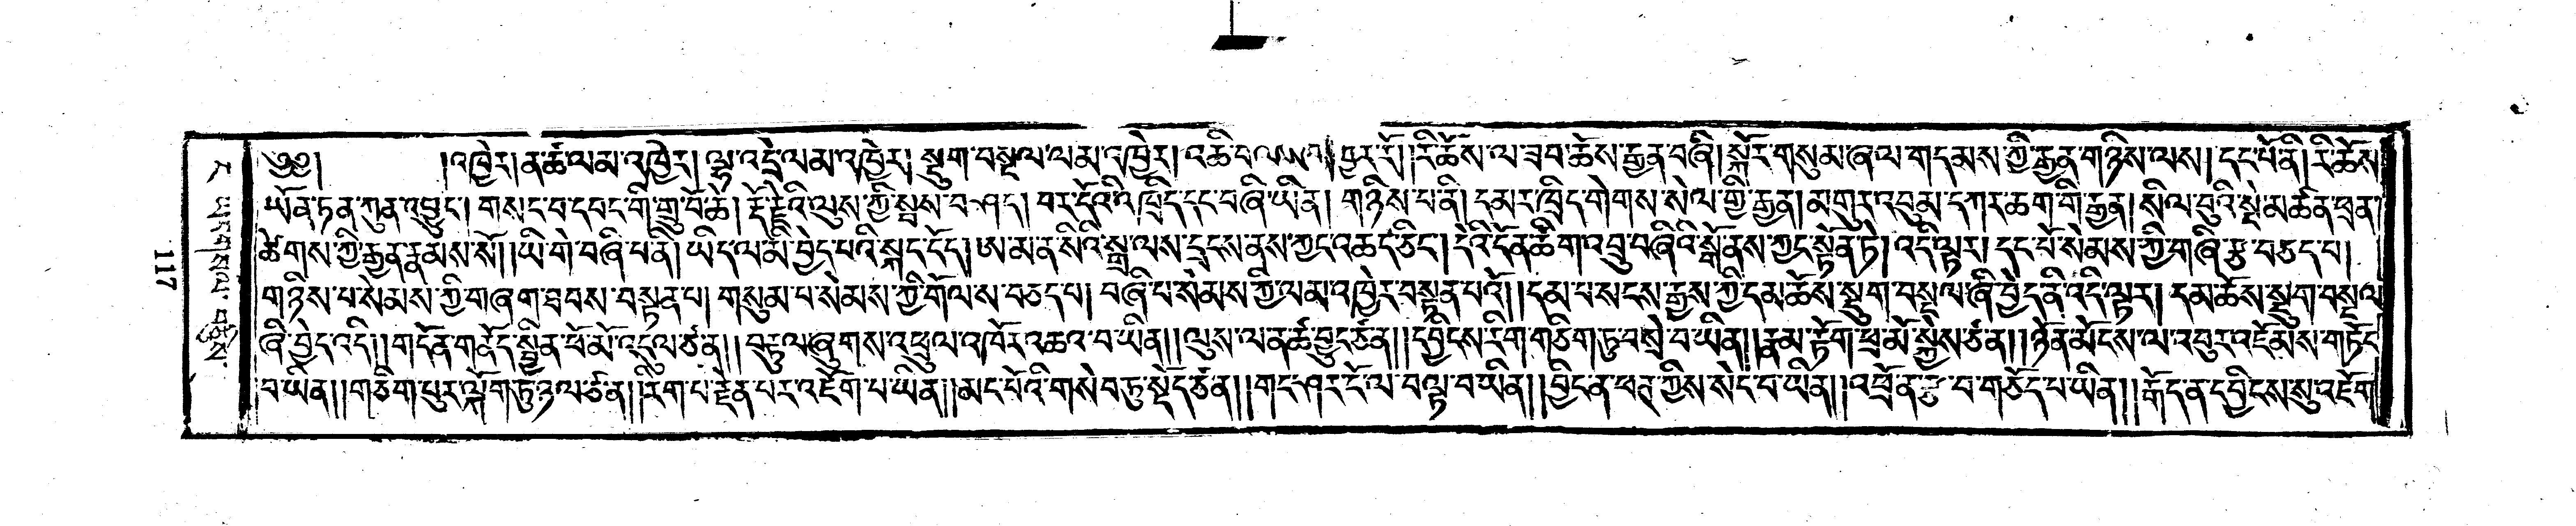༄༅། །འཁྱེར། ན་ཚ་ལམ་འཁྱེར། ལྷ་འདྲེ་ལམ་འཁྱེར། སྡུག་བསྔལ་ལམ་འཁྱེར། འཆི་བ་ལམ་འཁྱེར་རོ། །རི་ཆོས་ལ་ཟབ་ཆོས་རྒྱན་བཞི། སྐོར་གསུམ་ཞལ་གདམས་ཀྱི་རྒྱན་གཉིས་ལས། དང་པོ་ནི། རི་ཆོས་
ཡོན་ཏན་ཀུན་འབྱུང་། གསང་བ་དབང་གི་གྲུ་པོ་ཆེ། རྡོ་རྗེའི་ལུས་ཀྱི་སྦས་བཤད། བར་དོའི་འཁྲིད་དང་བཞི་ཡིན། གཉིས་པ་ནི། དམར་ཁྲིད་གེགས་སེལ་གྱི་རྒྱན། མགུར་འབུམ་དཀར་ཆག་གི་རྒྱན། སིལ་བུའི་སྡེ་མཚན་ཕྲན།
ཚོགས་ཀྱི་རྒྱན་རྣམས་སོ། །ཡི་གེ་བཞི་པ་ནི། ཡིད་ལ་མི་བྱེད་པའི་སྐད་དོད། ཨ་མ་ན་སིའི་སྒྲ་ལས་དྲངས་ནས་ཀྱང་འཆད་ཅིང་། དེའི་དོན་ཚིག་འབྲུ་བཞིའི་སྒོ་ནས་ཀྱང་སྟོན་ཏེ། འདི་ལྟར། དང་པོ་སེམས་ཀྱི་གཞི་རྩ་བཅད་པ།
གཉིས་པ་སེམས་ཀྱི་གཞག་ཐབས་བསྟན་པ། གསུམ་པ་སེམས་ཀྱི་གོལ་ས་བཅད་པ། བཞི་པ་སེམས་ཀྱི་ལམ་འཁྱེར་བསྟན་པའོ། །དམ་པ་སངས་རྒྱས་ཀྱི་དམ་ཆོས་སྡུག་བསྔལ་ཞི་བྱེད་ནི་འདི་ལྟར། དམ་ཆོས་སྡུག་བསྔལ་
ཞི་བྱེད་འདི། །གདོན་གནོད་སྦྱིན་ཕོ་མོ་འདུལ་ཙ་ན། །བརྟུལ་ཞུགས་འཕྲུལ་འཁོར་འཆའ་བ་ཡིན། །ལུས་ལ་ན་ཚ་བྱུང་ཙ་ན། །དབྱིངས་རིག་གཅིག་ཏུ་བསེ་བ་ཡིན། །རྣམ་རྟོག་ཕྲ་མོ་སྐྱེས་ཙ་ན། །ཉོན་མོངས་ལ་འབུར་འཇོམས་གཏོང་
བ་ཡིན། །གཅིག་པུར་ལྐོག་ཏུ་ཉལ་ཙ་ན། །རིག་པ་རྗེན་པར་འཇོག་པ་ཡིན། །མང་པོའི་གསེབ་ཏུ་སྡོད་ཙ་ན། །གང་ཤར་ངོ་ལ་བལྟ་བ་ཡིན། །བྱིང་ན་ཕཊ་ཀྱིས་སེང་བ་ཡིན། །འཕྲོ་ན་རྩ་བ་གཅོད་པ་ཡིན། །རྒོད་ན་དབྱིངས་སུ་འཇོག་